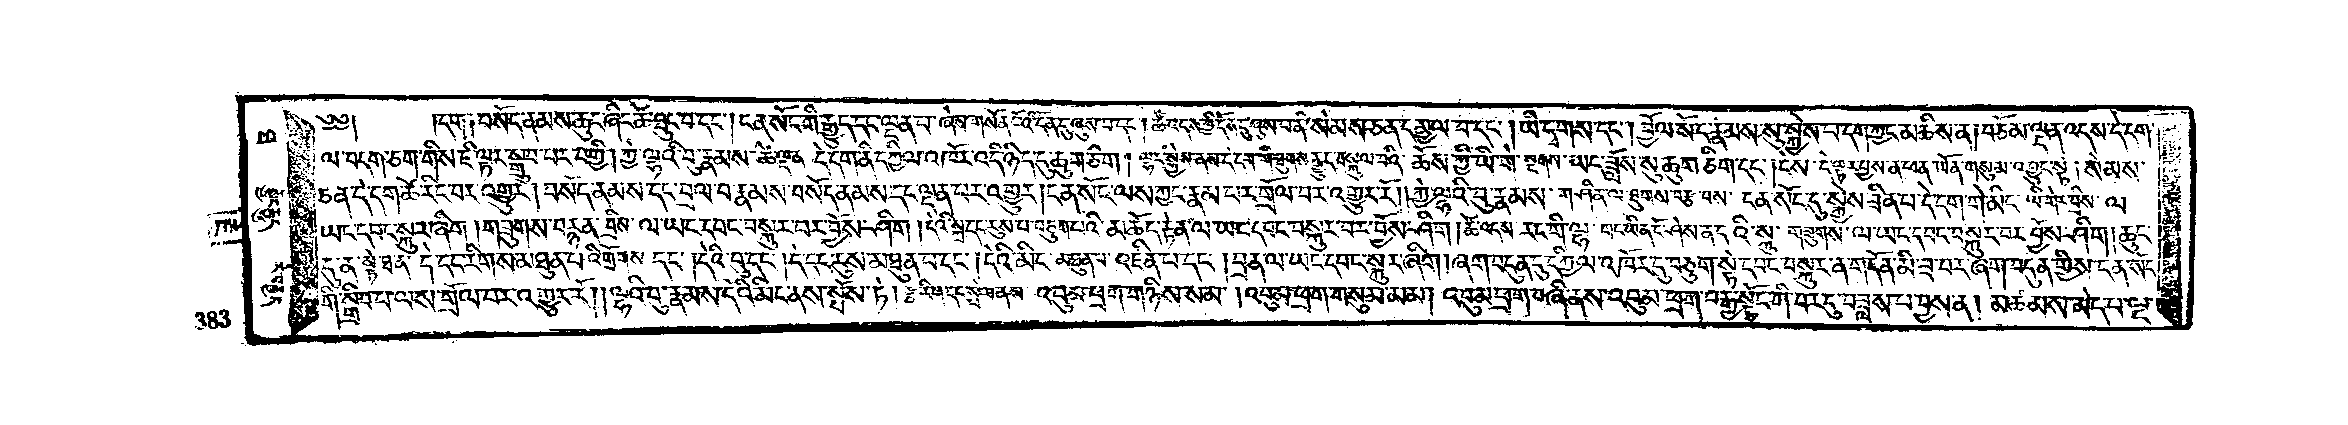༄༅། །དག །།བསོད་ནམས་ཆུང་ཞིང་ཚེ་ཐུང་བ་དང་། ངན་སོང་གི་རྒྱུད་དང་ལྡན་པ་ཞེས་གསོན་པོའི་དོན་དུ་ཞུས་པ་དང་། ཚེ་འདས་ཀྱི་དོན་དུ་ཞུས་པ་ནི་སེམས་ཅན་དམྱལ་བ་དང་། ཡི་དྭགས་དང་། བྱོལ་སོང་རྣམས་སུ་སྐྱེས་པ་དག་ཀྱང་མཆིས་ན། བཅོམ་ལྡན་འདས་དེ་དག་
ལ་བདག་ཅག་གིས་ཇི་ལྟར་སྒྲུབ་པར་བགྱི། ཀྱེ་ལྷའི་བུ་རྣམས་ཚེ་ལྡན་དེ་དག་ནི་དཀྱིལ་འཁོར་འདི་ཉིད་དུ་ཆུག་ཅིག ། ལྷར་སྐྱེས་ནས་དེ་དག་གི་ཐུགས་རྒྱུད་བསྐུལ་བའི་ཆོས་ཀྱི་ཡི་གེ་སྔགས་ཡང་ཟློས་སུ་ཆུག་ཅིག་དང་། ངེས་དེ་ལྟར་བྱས་ན་ཕན་ཡོན་གསུམ་འབྱུང་སྟེ།  སེམས་
ཅན་དེ་དག་ཚེ་རིང་བར་འགྱུར། བསོད་ནམས་དང་བྲལ་བ་རྣམས་བསོད་ནམས་དང་ལྡན་པར་འགྱུར། ངན་སོང་ལས་ཀྱང་རྣམ་པར་གྲོལ་བར་འགྱུར་རོ། །ཀྱེ་ལྷའི་བུ་རྣམས་གཤིན་ལ་ཐུགས་བརྩེ་བས་ངན་སོང་དུ་སྐྱེས་ཟིན་པ་དེ་དག་གི་མིང་ཡི་གེར་བྲིས་ལ་
ཡང་དབང་སྐུར་ཞིག །གཟུགས་བརྙན་བྲམས་ལ་ཡང་དབང་བསྐུར་བར་བྱོས་ཤིག ། དེའི་སྐྲ་དང་རུས་པ་བཅུག་པའི་མཆོད་རྟེན་ལ་ཡང་དབང་བསྐུར་བར་བྱོས་ཤིག ། ཚེ་འདས་རང་གི་ལྷ་གང་ཡིན་ངོ་ཤེས་ན་ངའི་སྐུ་གཟུགས་ལ་ཡང་དབང་བསྐུར་བར་བྱོས་ཤིག །ཆུང་
དུ་ན་སྟེ་ཐ་ན་དེ་དང་རིགས་མཐུན་པའི་གྲོགས་དང་། དེའི་བུ་དང་། དི་དང་རུས་མཐུན་པ་དང་། དེའི་མིང་མཐུན་པ་འཛིན་པ་དང་། བྲན་ལ་ཡང་དབང་སྐུར་ཞིག །ཞག་བདུན་དུ་དཀྱིལ་འཁོར་དུ་བཅུག་སྟེ་དབང་བསྐུར་ན་གདོན་མི་ཟ་བར་ཞག་བདུན་གྱིས་ངན་སོང་
གི་སྒྲིབ་པ་ལས་གྲོལ་བར་འགྱུར་རོ། །ལྷའི་བུ་རྣམས་དེའི་མིང་ནས་སྨོས་ཏེ། རྩ་རིག་དང་སྤེལ་ནས་འབུམ་ཕྲག་གཉིས་སམ། འབུམ་ཕྲག་གསུམ་མམ། འབུམ་ཕྲག་བཞི་ནས་འབུམ་ཕྲག་བརྒྱ་སྟོང་གི་བར་དུ་བཟླས་པ་བྱས་ན། མཚམས་མེད་པ་ལྔ་